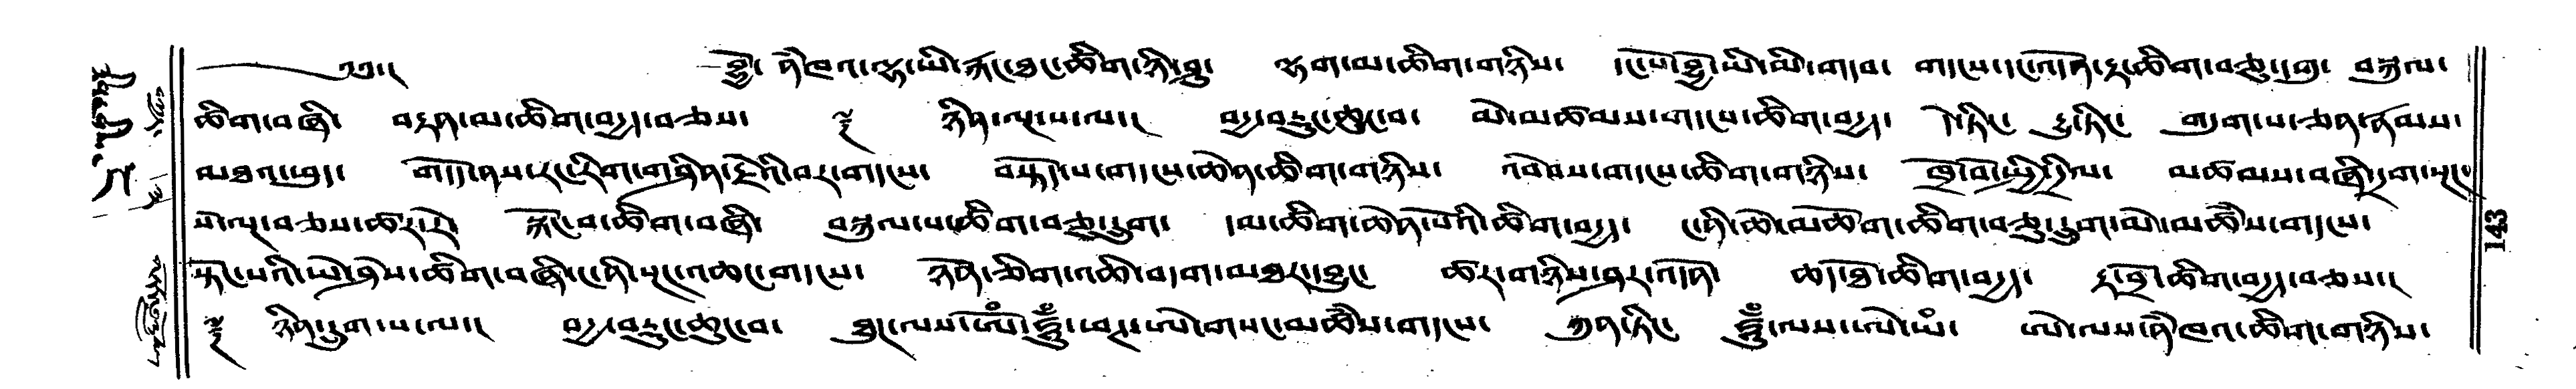བྷྱོ༔ ནམ་མཁའ་ལྷ་ཡི་རྐང་ཐང༴ ཚིག་ཉི་ཤུ། ལྷག་མ་ཚིག་གཉིས། དང་པོ་བྷྱོ་ཡི་མི་གདབ༴ གདངས་དང་འདོན་རྟ་ཚིག་བཅུ་དགུ སྐུལ་
ཚིག་བཞི། བརྟན་མ་ཚིག་བརྒྱད་བཅས། ༈ ཉིན་ལྔ་པ་ལ། བརྒྱ་རྡུང་ཆུང་བ། མེ་མཚམས་གདངས་ཚིག་བརྒྱད། དེ་ཏིང་། རྒྱུ་ཏིང་། གདུག་པ་ཅན༴ རྣམས་
མཐའ་ཕུད། གདོད་ནས་རང་རིག༴ གཤིན་རྗེའི་བར་གདངས། བསྟོད་པ་གདངས་ཆེན་ཚིག་གཉིས། འབེབས་གདངས་ཚིག་གཉིས། ཁྲོ་བོ་སྤྱི་དྲིལ། མཚམས་བཞི་དྲག་སྔགས་
སོ་ལྔ་བཅས་ཚར་རེ། སྐོང་བ་ཚིག་བཞི། སྐུལ་པ་ཚིག་བཅུ་དྲུག དམ་ཚིག་ཆེན་པོ༴ ཚིག་བརྒྱད། ང་ནི་ཆེ་མཆོག༴ ཚིག་བཅུ་དྲུག་མེ་མཚམས་གདངས། 
སྟོང་པའི་ཡེ་ཤེས་ཚིག་བཞི་ང་ནི་སྔགས་འཆང་གདངས། ཉོན་ཅིག་འཆི་བདག༴ མཐར་དབྱུང་། ཚར་གཉིས་ཤར་འདོན། ཆད་ཐོ་ཚིག་བརྒྱད། རྟ་བྲོ་ཚིག་བརྒྱད་བཅས། 
༈ ཉིན་དྲུག་པ་ལ། བརྒྱ་རྡུང་ཆུང་བ། ཐུགས་ལས་ཨོཾ་ཧཱུྃ་ཕཊ་ཨེ༴ གསང་མཚམས་གདངས། ཀུན་ཏིང་། ཧཱུྃ་ལས་ཨེ་ཡཾ༴ ཨེ་ལས་ནམ་མཁའ༴ ཚིག་གཉིས།